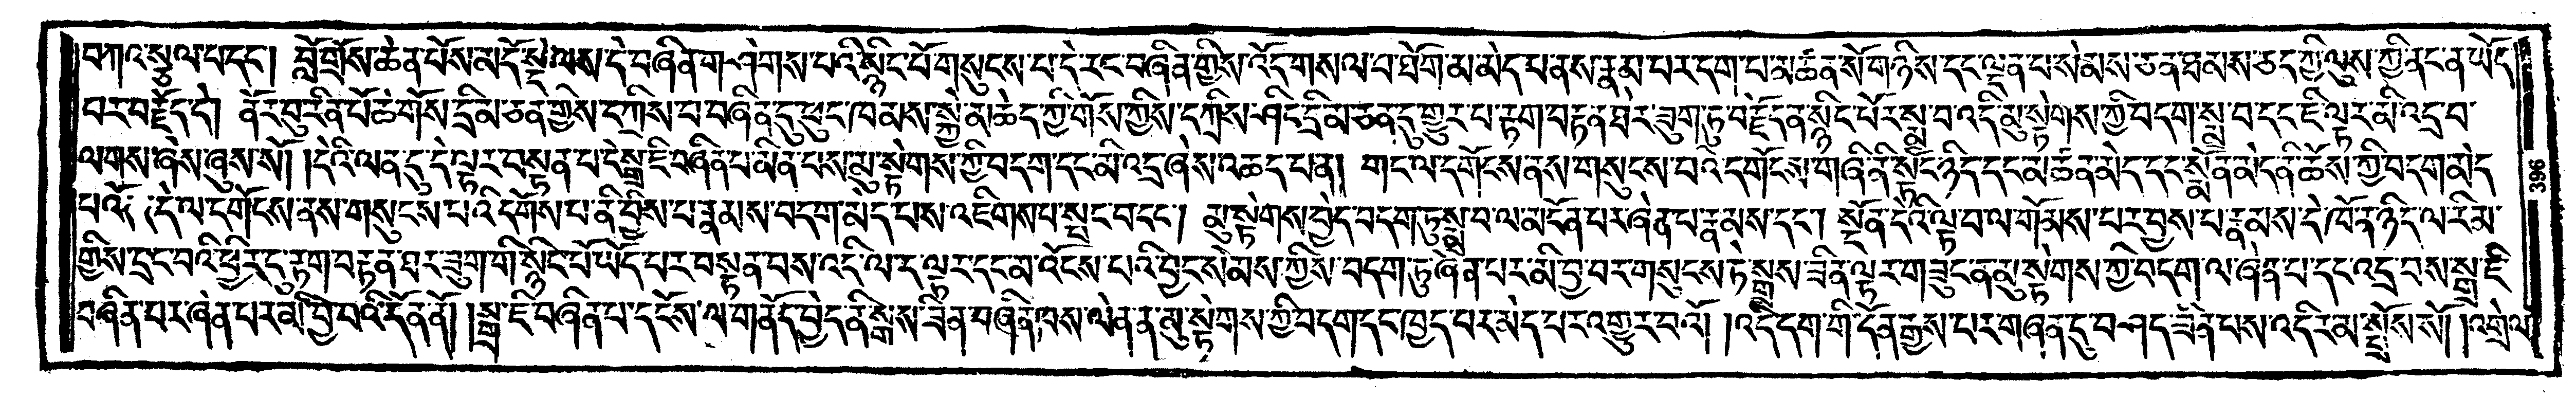བཀའ་སྩལ་པ་དང་། བློ་གྲོས་ཆེན་པོས་མདོ་སྡེ་ལས་དེ་བཞིན་གཤེགས་པའི་སྙིང་པོ་གསུངས་པ་དེ་རང་བཞིན་གྱིས་འོད་གསལ་བ་ཐོག་མ་མེད་པ་ནས་རྣམ་པར་དག་པ་མཚན་སོ་གཉིས་དང་ལྡན་པ་སེམས་ཅན་ཐམས་ཅད་ཀྱི་ལུས་ཀྱི་ནང་ན་ཡོད་
པར་བརྗོད་དེ། ནོར་བུ་རིན་པོ་ཆེ་གོས་དྲི་མ་ཅན་གྱིས་དཀྲིས་པ་བཞིན་དུ་ཕུང་ཁམས་སྐྱེ་མཆེད་ཀྱི་གོས་ཀྱིས་དཀྲིས་ཤིང་དྲི་མ་ཅན་དུ་གྱུར་པ་རྟག་བརྟན་ཐེར་ཟུག་ཏུ་བརྗོད་ན་སྙིང་པོར་སྨྲ་བ་འདི་མུ་སྟེགས་ཀྱི་བདག་སྨྲ་བ་དང་ཇི་ལྟར་མི་འདྲ་བ་
ལགས་ཞེས་ཞུས་སོ། །དེའི་ལན་དུ་དེ་ལྟར་བསྟན་པ་དེ་སྒྲ་ཇི་བཞིན་པ་མིན་པས་མུ་སྟེགས་ཀྱི་བདག་དང་མི་འདྲ་ཞེས་འཆད་པ་ན། གང་ལ་དགོངས་ནས་གསུངས་པའི་དགོངས་གཞི་ནི་སྟོང་ཉིད་དང་མཚན་མེད་དང་སྨོན་མེད་ནི་ཆོས་ཀྱི་བདག་མེད་
པའོ༑ ༑དེ་ལ་དགོངས་ནས་གསུངས་པའི་དགོས་པ་ནི་བྱིས་པ་རྣམས་བདག་མེད་པས་འཇིགས་པ་སྤང་བ་དང་། མུ་སྟེགས་བྱེད་བདག་ཏུ་སྨྲ་བ་ལ་མངོན་པར་ཞེན་པ་རྣམས་དང་། སྔོན་དེའི་ལྟ་བ་ལ་གོམས་པར་བྱས་པ་རྣམས་དེ་ཁོ་ན་ཉིད་ལ་རིམ་
གྱིས་དྲང་བའི་ཕྱིར་དུ་རྟག་བརྟན་ཐེར་ཟུག་གི་སྙིང་པོ་ཡོད་པར་བསྟན་པས་འདི་ལ་ད་ལྟར་དང་མ་འོངས་པའི་བྱང་སེམས་ཀྱིས་བདག་ཏུ་ཞེན་པར་མི་བྱ་བར་གསུངས་ཏེ་སྒྲས་ཟིན་ལྟར་གཟུང་ན་མུ་སྟེགས་ཀྱི་བདག་ལ་ཞེན་པ་དང་འདྲ་བས་སྒྲ་ཇི་
བཞིན་པར་ཞེན་པར་མི་བྱ་བའི་དོན་ནོ། །སྒྲ་ཇི་བཞིན་པ་དངོས་ལ་གནོད་བྱེད་ནི་སྒྲས་ཟིན་བཞིན་ཁས་ལེན་ན་མུ་སྟེགས་ཀྱི་བདག་དང་ཁྱད་པར་མེད་པར་འགྱུར་བའོ། །འདི་དག་གི་དོན་རྒྱས་པར་གཞན་དུ་བཤད་ཟིན་པས་འདིར་མ་སྤྲོས་སོ། །འགྲེལ་